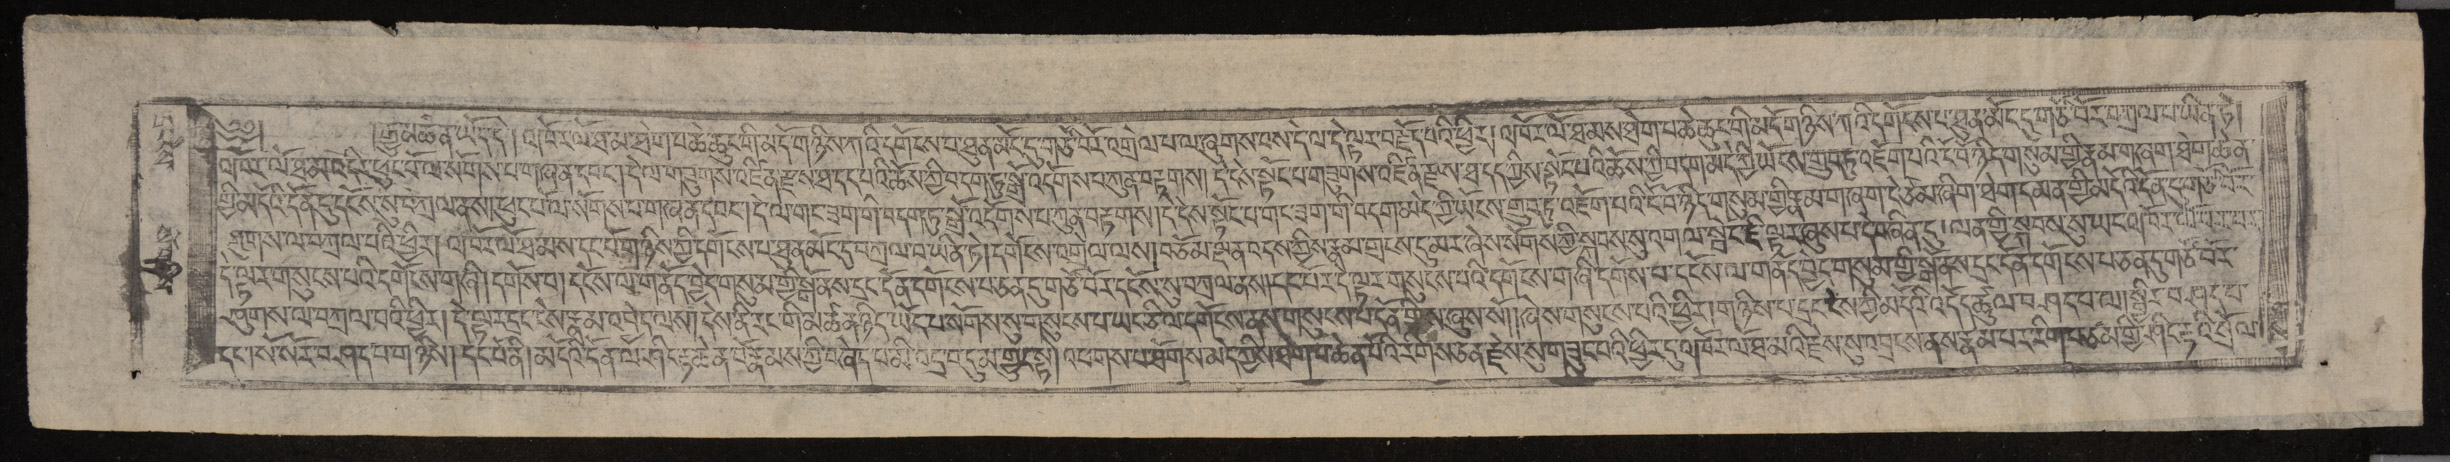༄༅། །རྒྱུ་མཚན་ཡོད་དེ། འཁོར་ལོ་ཐ་མ་ཐེག་པ་ཆེ་ཆུང་གི་མདོ་གཉིས་ཀའི་དགོངས་པ་ཐུན་མོང་དུ་གཙོ་བོར་འགྲེལ་པ་ལ་ཞུགས་པས་དེ་ལ་དེ་ལྟར་བརྗོད་པའི་ཕྱིར། འཁོར་ལོ་ཐ་མས་ཐེག་པ་ཆེ་ཆུང་གི་མདོ་གཉིས་ཀའི་དགོངས་པ་ཐུན་མོང་དུ་གཙོ་བོར་བཀྲལ་བ་ཡིན་ཏེ།
འཁོར་ལོ་ཐ་མ་འདིར་ཕུང་པོ་ལ་སོགས་པ་གཞན་དབང་། དེ་ལ་གཟུགས་འཛིན་རྫས་ཐ་དང་པའི་ཆོས་ཀྱི་བདག་ཏུ་སྒྲོ་འདོགས་པ་ཀུན་བརྟགས། དེ་དེས་སྟོང་པ་གཟུགས་འཛིན་རྫས་ཐ་དད་ཀྱིས་སྟོང་པའི་ཆོས་ཀྱི་བདག་མེད་ཀྱི་ཡོངས་གྲུབ་ཏུ་འཇོག་པའི་ངོ་བོ་ཉིད་གསུམ་གྱི་རྣམ་གཞག་ཐེག་ཆེན་
གྱི་མདོའི་དོན་དུ་དངོས་སུ་བཀྲལ་ནས། ཕུང་པོ་ལ་སོགས་པ་གཞན་དབང་། དེ་ལ་གང་ཟག་གི་བདག་ཏུ་སྒྲོ་འདོགས་པ་ཀུན་བརྟགས། དེ་དེས་སྟོང་པ་གང་ཟག་གི་བདག་མེད་ཀྱི་ཡོངས་གྲུབ་ཏུ་འཇོག་པའི་ངོ་བོ་ཉིད་གསུམ་གྱི་རྣམ་གཞག་དེ་ཙམ་ཞིག་ཐེག་དམན་གྱི་མདོའི་དོན་དུ་གཙོ་བོར་
ཤུགས་ལ་བཀྲལ་བའི་ཕྱིར། འཁོར་ལོ་ཐ་མས་དང་པོ་གཉིས་ཀྱི་དགོངས་པ་ཐུན་མོང་དུ་བཀྲལ་བ་ཡིན་ཏེ། དགོངས་འགྲེལ་ལས། བཅོམ་ལྡན་འདས་ཀྱིས་རྣམ་གྲངས་དུ་མར་ཞེས་སོགས་ཀྱི་སྐབས་སུ་འགལ་སྤོང་ཇི་ལྟར་ཞུས་པ་དེ་བཞིན་དུ། ལན་གྱི་སྐབས་སུ་ཡང་འཁོར་ལོ་བར་པར་
དེ་ལྟར་གསུངས་པའི་དགོངས་གཞི། དགོས་པ། དངོས་ལ་གནོད་བྱེད་གསུམ་གྱི་སྒོ་ནས་དྲང་དོན་དགོངས་པ་ཅན་དུ་གཙོ་བོར་དངོས་སུ་བཀྲལ་ནས། དང་པོར་དེ་ལྟར་གསུངས་པའི་དགོངས་གཞི་དགོས་པ་དངོས་ལ་གནོད་བྱེད་གསུམ་གྱི་སྒོ་ནས་དྲང་དོན་དགོངས་པ་ཅན་དུ་གཙོ་བོར་
ཤུགས་ལ་བཀྲལ་བའི་ཕྱིར། དེ་ལྟར་དྲང་ངེས་རྣམ་འབྱེད་ལས། དེས་ནི་རང་གི་མཚན་ཉིད་ཡོད་པ་སོགས་སུ་གསུངས་པ་ཡང་ཅི་ལ་དགོངས་ནས་གསུངས་པ་དོན་གྱིས་ཞུགས་སོ། །ཞེས་གསུངས་པའི་ཕྱིར། གཉིས་པ་དྲང་ངེས་ཀྱི་མདོའི་འདོད་ཚུལ་བཤད་པ་ལ། སྤྱིར་བཤད་པ་
དང་། སོ་སོར་བཤད་པ་གཉིས། དང་པོ་ནི། མདོའི་དོན་ལ་ཤིང་རྟ་ཆེན་པོ་རྣམས་ཀྱི་བཞེད་པ་མི་འདྲ་བ་དུ་མ་བྱུང་སྟེ། འཕགས་པ་ཐོགས་མེད་ཀྱིས་ཐེག་པ་ཆེན་པོའི་རིགས་ཅན་རྗེས་སུ་གཟུང་བའི་ཕྱིར་དུ་འཁོར་ལོ་ཐ་མའི་རྗེས་སུ་འབྲངས་ནས་རྣམ་པར་རིག་པ་ཙམ་གྱི་ཤིང་རྟའི་སྲོལ་